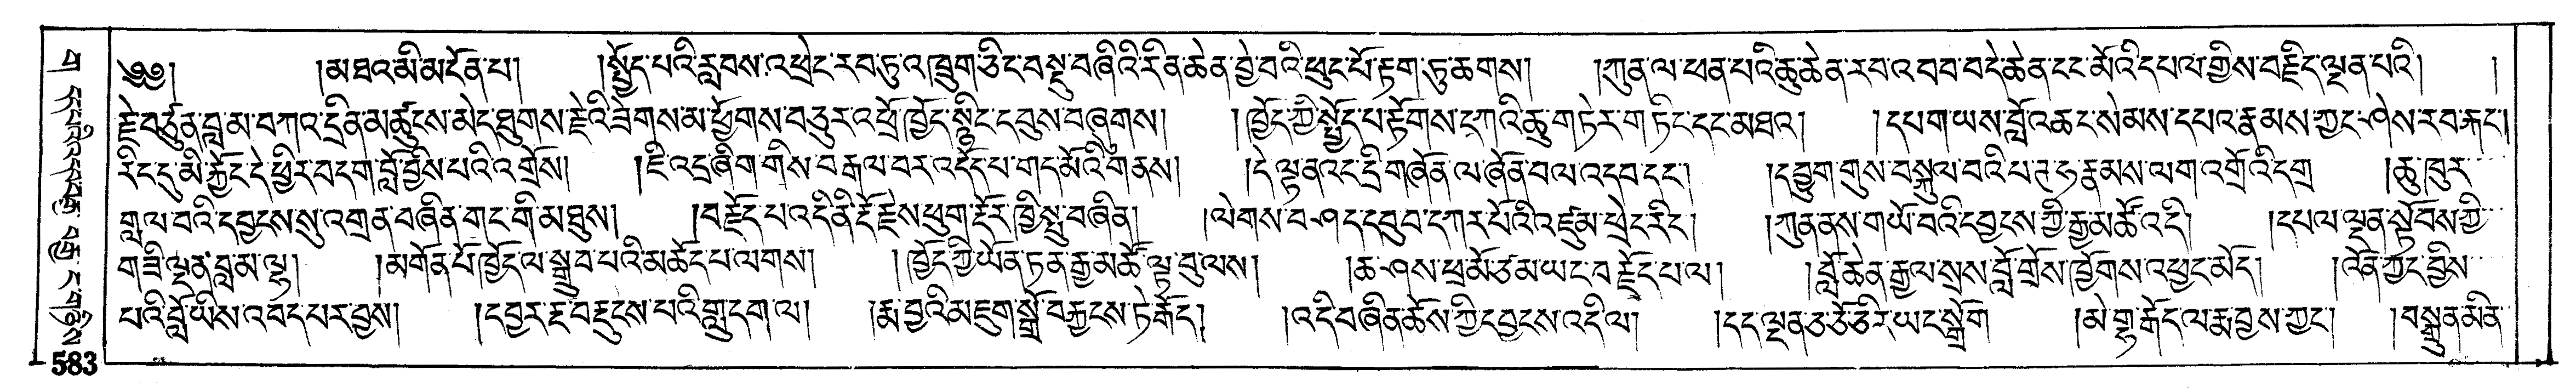༄༅། །མཐའ་མི་མངོན་པ། །སྤྱོད་པའི་རླབས་འཕྲེང་རབ་ཏུ་འཁྲུག་ཅིང་བསྡུ་བཞིའི་རིན་ཆེན་བྱེ་བའི་ཕུང་པོ་རྟག་ཏུ་ཆགས། །ཀུན་ལ་ཕན་པའི་ཆུ་ཆེན་རབ་འབབ་བདེ་ཆེན་དང་མོའི་དཔལ་གྱིས་བརྗིད་ལྡན་པའི། །
རྗེ་བཙུན་བླ་མ་བཀའ་དྲིན་མཚུངས་མེད་ཐུགས་རྗེའི་ཟེགས་མ་ཕྱོགས་བཅུར་འཕྲོ་ཁྱོད་སྙིང་དབུས་བཞུགས། །ཁྱོད་ཀྱི་སྤྱོད་པ་རྟོགས་དཀའི་ཆུ་གཏེར་གཏིང་དང་མཐའ། དཔག་ཡས་བློ་འཆང་སེམས་དཔའ་རྣམས་ཀྱང་ཤེས་རབ་རྐང་།
རིང་དུ་མི་རྐྱོང་དེ་ཕྱིར་བདག་བློ་བྱིས་པའི་འགྲོས། །ཇི་འདྲ་ཞིག་གིས་བརྒལ་བར་འདོད་པ་གད་མོའི་གནས། །དེ་ལྟ་ནའང་དྲི་བཞོན་ལ་ཞོན་བལ་འདབ་དང་། །དབྱུག་གུས་བསྐུལ་པའི་པ་ཊ་ཧ་རྣམས་ལག་འགྲོའི་དགྲ་།ཆུ་ཁུར་
གླལ་བའི་དབྱངས་སུ་འགྲན་བཞིན་གང་གི་མཐུས། །བརྗོད་པ་འདི་ནི་རྡོ་རྗེས་ཕུག་རྡོར་ཁྱི་སྤུ་བཞིན། །ལེགས་བཤད་དབུ་བ་དཀར་པོའི་འཛུམ་ཕྲེང་རིང་། །ཀུན་ནས་གཡོ་བའི་དབྱངས་ཀྱི་རྒྱ་མཚོ་འདི། །དཔལ་ལྡན་སྟོབས་ཀྱི་
གཟི་ལྡན་བླ་མ་ལྷ། །མགོན་པོ་ཁྱོད་ལ་སྒྲུབ་པའི་མཆོད་པ་ལགས། །ཁྱོད་ཀྱི་ཡོན་ཏན་རྒྱ་མཚོ་ལྟ་བུ་ལས། །ཆ་ཤས་ཕྲ་མོ་ཙམ་ཡང་བརྗོད་པ་ལ། །བློ་ཆེན་རྒྱལ་སྲས་བློ་གྲོས་ཁྱོགས་འཕྱང་མོད། །འོན་ཀྱང་བྱིས་
པའི་བློ་ཡིས་འབད་པར་བྱས། །དབྱར་རྔ་བརྡུངས་པའི་གླུ་དག་ལ། །རྨ་བྱའི་མཇུག་སྒྲོ་བརྐྱངས་ཏེ་རྒོད། །འདི་བཞིན་ཆོས་ཀྱི་དབྱངས་འདི་ལ། །དད་ལྡན་ཅ་ཅོ་ཅིར་ཡང་སྒྲོག །མེ་གྷ་རྒོད་ལ་རྨ་བྱས་ཀྱང་། །བསྒྲུན་མིན་